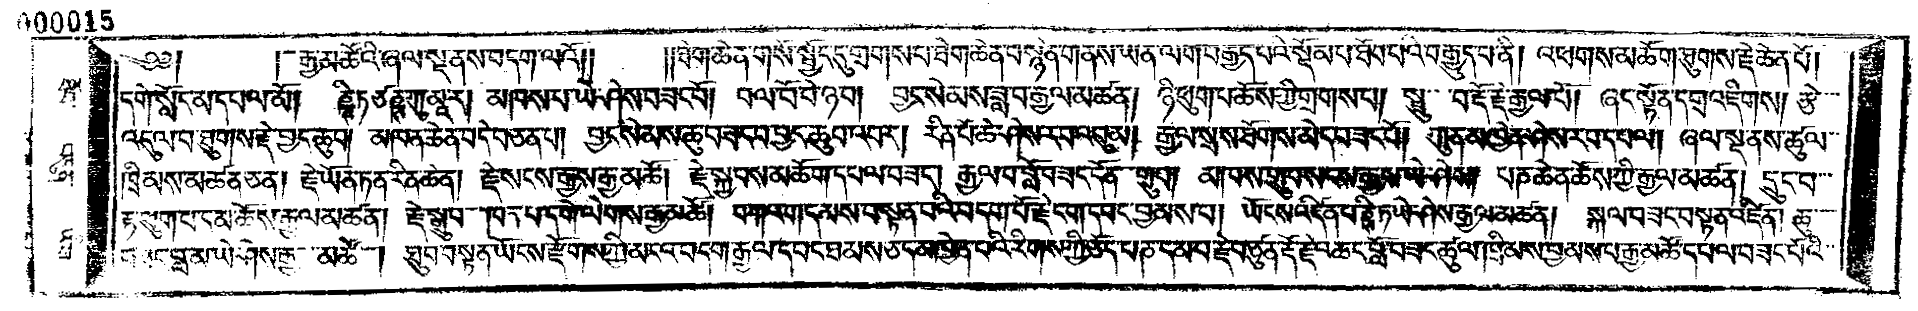༄༅། །རྒྱ་མཚོའི་ཞལ་སྔ་ནས་བདག་ལའོ།། །།ཐེག་ཆེན་གསོ་སྦྱོང་དུ་གྲགས་པ་ཐེག་ཆེན་བསྙེན་གནས་ཡན་ལག་བརྒྱད་པའི་སྡོམ་པ་ཐོབ་པའི་བརྒྱུད་པ་ནི། འཕགས་མཆོག་ཐུགས་རྗེ་ཆེན་པོ།
དགེ་སློང་མ་དཔལ་མོ། ཎྚི་ཏཙྣྚ་ཀུ་མཱ་ར། མཁས་པ་ཡེ་ཤེས་བཟང་པོ། བལ་བོ་བེ་ཉ་བ། བྱང་སེམས་ཟླ་བ་རྒྱལ་མཚན། ཉི་ཕུག་པ་ཆོས་ཀྱི་གྲགས་པ། སྦྲུ་བ་རྡོ་རྗེ་རྒྱལ་པོ། ཞང་སྟོན་དགྲ་འཇིགས། རྩེ་
འདུལ་བ་ཐུགས་རྗེ་བྱང་ཆུབ། མཁན་ཆེན་བདེ་བ་ཅན་པ། བྱང་སེམས་ཆུ་བཟང་བ་བྱང་ཆུབ་འབར། རིན་པོ་ཆེ་ཤེས་རབ་འབུམ། རྒྱལ་སྲས་ཐོགས་མེད་བཟང་པོ། ཀུན་མཁྱེན་ཤེས་རབ་དཔལ། ཞལ་སྔ་ནས་ཚུལ་
ཁྲིམས་མཚན་ཅན། རྗེ་ཡོན་ཏན་རིན་ཆེན། རྗེ་སངས་རྒྱས་རྒྱ་མཚོ། རྗེ་སྐྱབས་མཆོག་དཔལ་བཟང་། རྒྱལ་བ་བློ་བཟང་དོན་གྲུབ། མཁས་གྲུབ་སངས་རྒྱས་ཡེ་ཤེས། པཎ་ཆེན་ཆོས་ཀྱི་རྒྱལ་མཚན། དྲུང་བ་
རྟ་ཕུག་པ་དམ་ཆོས་རྒྱལ་མཚན། རྗེ་སྒྲུབ་ཁད་པ་དགེ་ལེགས་རྒྱ་མཚོ། བཀའ་གདམས་བསྟན་པའི་བདག་པོ་རྗེ་ངག་དབང་བྱམས་པ། ཡོངས་འཛིན་པ་ཎྚི་ཏ་ཡེ་ཤེས་རྒྱལ་མཚན། སྐལ་བཟང་བསྟན་འཛིན། ཆུ་
བཟང་བླ་མ་ཡེ་ཤེས་རྒྱ་མཚོ། ཐུབ་བསྟན་ཡོངས་རྫོགས་ཀྱི་མངའ་བདག་རྒྱལ་དབང་ཐམས་ཅད་མཁྱེན་པའི་རིགས་ཀྱི་ཅོད་པཎ་དམ་པ་རྗེ་བཙུན་རྡོ་རྗེ་འཆང་བློ་བཟང་ཚུལ་ཁྲིམས་བྱམས་པ་རྒྱ་མཚོ་དཔལ་བཟང་པོའི་